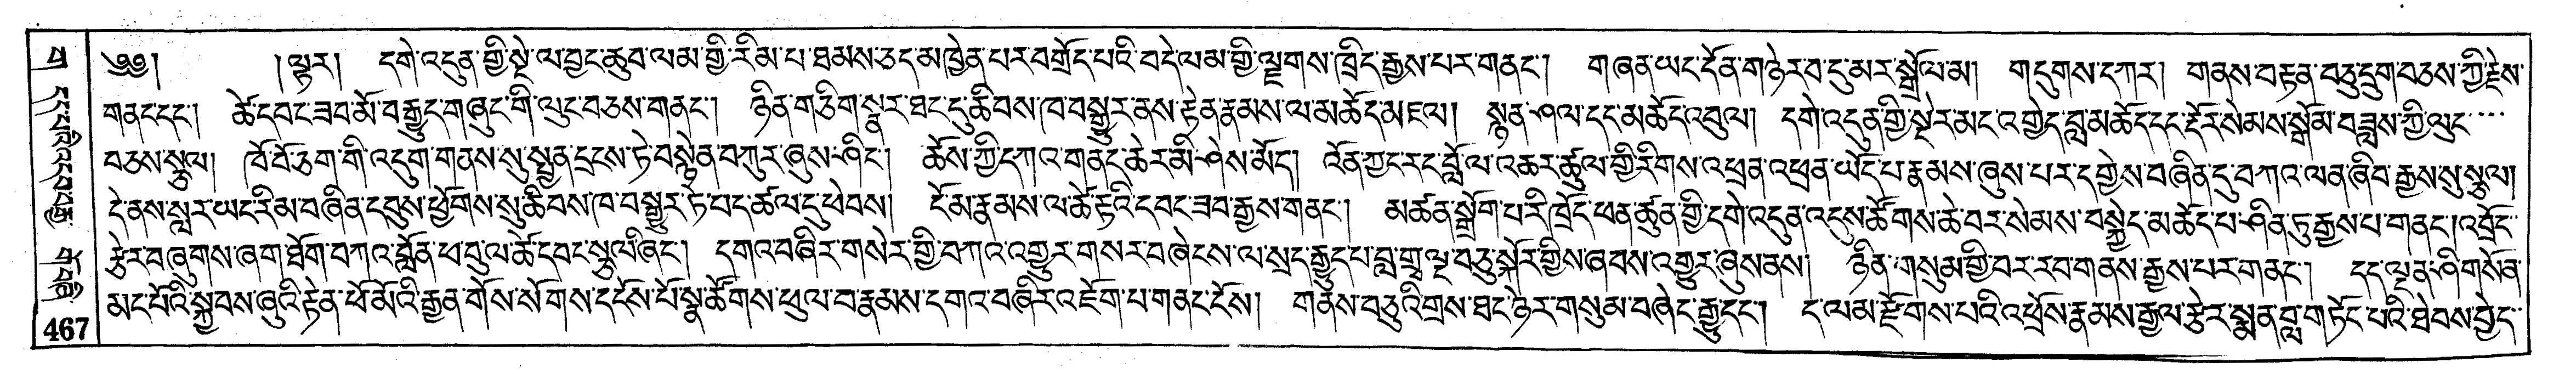༄༅། །ལྟར། དགེ་འདུན་གྱི་སྡེ་ལ་བྱང་ཆུབ་ལམ་གྱི་རིམ་པ་ཐམས་ཅད་མཁྱེན་པར་བགྲོད་པའི་བདེ་ལམ་གྱི་ལྗགས་ཁྲིད་རྒྱས་པར་གནང་། གཞན་ཡང་དོན་གཉེར་བ་དུ་མར་སྒྲོལ་མ། གདུགས་དཀར། གནས་བརྟན་བཅུ་དྲུག་བཅས་ཀྱི་རྗེས་
གནང་དང་། ཚེ་དབང་ཟབ་མོ་བརྒྱུད་གཞུང་གི་ལུང་བཅས་གནང་། ཉིན་གཅིག་སྣར་ཐང་དུ་ཆིབས་ཁ་བསྒྱུར་ནས་རྟེན་རྣམས་ལ་མཆོད་མཇལ། སྙན་ཤལ་དང་མཆོད་འབུལ། དགེ་འདུན་གྱི་སྔེར་མང་འགྱེད་བླ་མཆོད་དང་རྡོར་སེམས་སྒོམ་བཟླས་ཀྱི་ལུང་
བཅས་སྩལ། ཁོ་བོ་ཅག་གི་འདུག་གནས་སུ་སྦྱན་དྲངས་ཏེ་བསྙེན་བཀུར་ཞུས་ཤིང་། ཆོས་ཀྱི་དཀའ་གནད་ཆེར་མི་ཤེས་མོད། འོན་ཀྱང་རང་བློ་ལ་འཆར་ཚུལ་གྱི་རིགས་འཕྲན་འཕྲན་ཡོད་པ་རྣམས་ཞུས་པར་དགྱེས་བཞིན་དུ་བཀའ་ལན་ཞིབ་རྒྱས་སུ་སྩལ།
དེ་ནས་སླར་ཡང་རིམ་བཞིན་དབུས་ཕྱོགས་སུ་ཆིབས་ཁ་བསྒྱུར་ཏེ་པད་ཚལ་དུ་ཕེབས། ངོ་མ་རྣམས་ལ་ཚེ་རྟའི་དབང་ཟབ་རྒྱས་གནང་། མཚན་སྒྲོག་པ་རི་ཁྲོད་ཕན་ཚུན་གྱི་དགེ་འདུན་འདུས་ཚོགས་ཆེ་བར་སེམས་བསྐྱེད་མཆོད་པ་ཤིན་ཏུ་རྒྱས་པ་གནང་། འབྲོང་
རྩེར་བཞུགས་ཞག་ཐོག་བཀའ་བློན་ཕ་བུ་ལ་ཚེ་དབང་སྩལ་ཞིང་། དགའ་བཞིར་གསེར་གྱི་བཀའ་འགྱུར་གསར་བཞེངས་ལ་སྲང་རྒྱུད་པ་བླ་གྲྭ་ལྔ་བཅུ་སྐོར་གྱིས་ཞབས་འགྱུར་ཞུས་ནས། ཉིན་གསུམ་གྱི་བར་རབ་གནས་རྒྱས་པར་གནང་། དད་ལྡན་ཤིག་སོན་
མང་པོའི་སྐྱབས་ཞུའི་རྟེན་ཕོ་མོའི་རྒྱན་གོས་སོགས་དངོས་པོ་སྣ་ཚོགས་ཕུལ་བ་རྣམས་དགའ་བཞིར་འཇོག་པ་གནང་ངོས། གནས་བཅུའི་གྲས་ཐང་ཉེར་གསུམ་བཞེང་རྒྱུ་དང་། དེ་ལ་མ་རྫོགས་པའི་འཕྲོས་རྣམས་རྒྱལ་རྩེར་སྨན་བླ་གཏོང་བའི་ཐེབས་བྱེད་